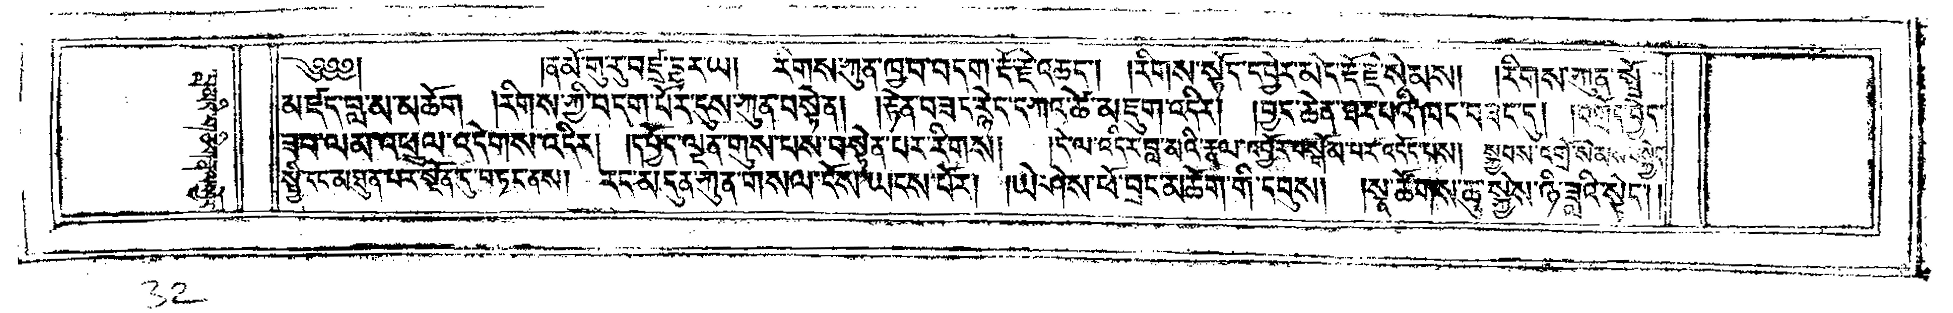༄༅༅། །ན་མོ་གུ་རུ་བཛྲ་དྷར་ཡ། རིགས་ཀུན་ཁྱབ་བདག་རྡོ་རྗེ་འཆང་། །རིགས་སྟོང་དབྱེར་མེད་རྡོ་རྗེ་སེམས། །རིགས་ཀུན་སྤྲོ་
མཛད་བླ་མ་མཆོག །རིགས་ཀྱི་བདག་པོར་དུས་ཀུན་བསྟེན། །རྟེན་བཟང་རྙེད་དཀའ་ཚེ་མཇུག་འདིར། །བྱང་ཆེན་ཐར་པའི་ཁང་བཟང་དུ། །བགྲོད་བྱེད་
ཟབ་ལམ་འཕྲུལ་འདེགས་འདིར། །དཔྱོད་ལྡན་གུས་པས་བསྟེན་པར་རིགས། །དེ་ལ་འདིར་བླ་མའི་རྣལ་འབྱོར་བསྒོམ་པར་འདོད་པས། སྐྱབས་འགྲོ་སེམས་བསྐྱེད་
སྤྱི་དང་མཐུན་པར་སྔོན་དུ་བཏང་ནས། རང་མདུན་ཀུན་གསལ་ངོས་ཡངས་པོར། །ཡེ་ཤེས་ཕོ་བྲང་མཆོག་གི་དབུས། །སྣ་ཚོགས་ཆུ་སྐྱེས་ཉི་ཟླའི་སྟེང་། །